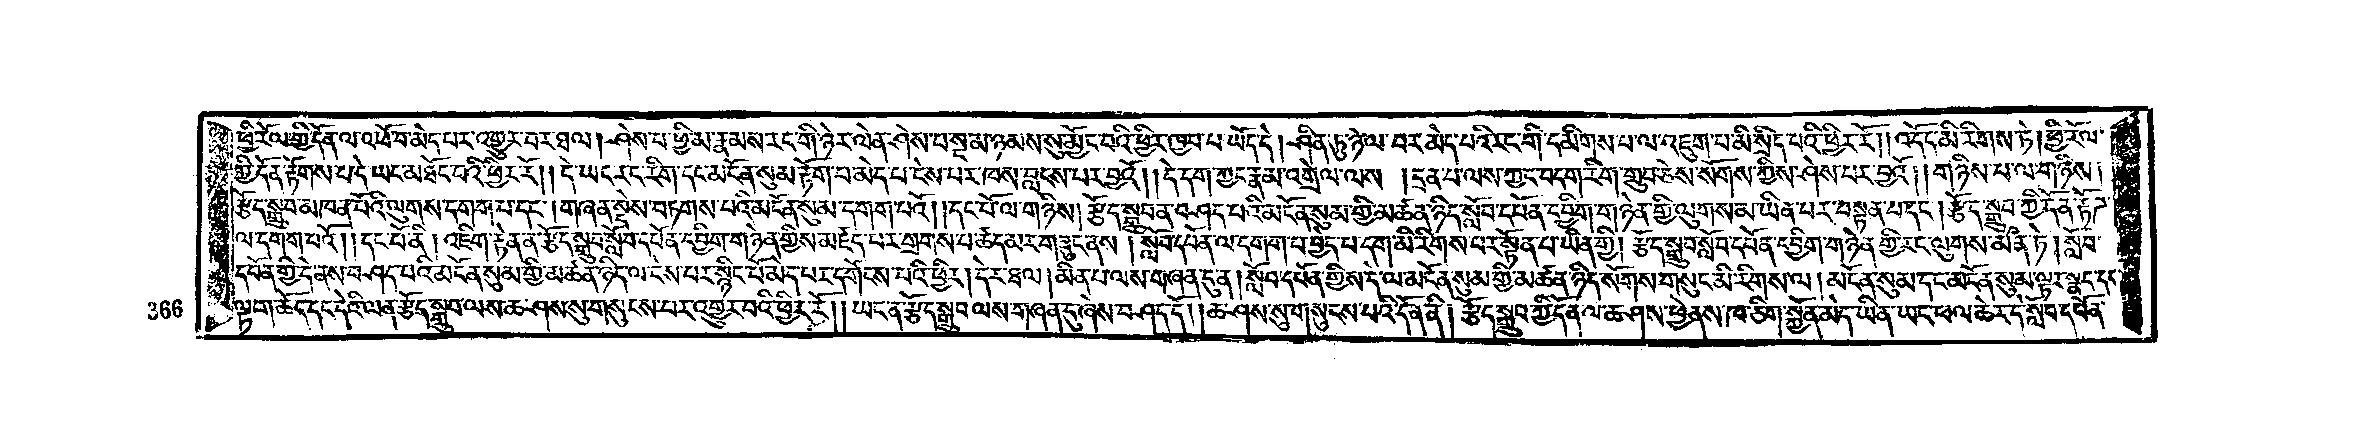ཕྱི་རོལ་གྱི་དོན་ལ་འཕོ་བ་མེད་པར་འགྱུར་བར་ཐལ། ཤེས་པ་ཕྱི་མ་རྣམས་རང་གི་ཉེར་ལེན་ཤེས་པ་སྔ་མ་ཉམས་སུ་མྱོང་བའི་ཕྱིར་ཁྱབ་པ་ཡོད་དེ། ཤིན་ཏུ་ཉེལ་བར་མེད་པའི་རང་གི་དམིགས་པ་ལ་འཇུག་པ་མི་སྲིད་པའི་ཕྱིར་རོ། །འདོད་མི་རིགས་ཏེ། ཕྱི་རོལ་
གྱི་དོན་རྟོགས་པ་དེ་ཡང་མཐོང་བའི་ཕྱིར་རོ། །དེ་ཡང་རང་རིག་དང་མངོན་སུམ་རྟོག་པ་མེད་པ་ངེས་པར་ཁས་བླངས་པར་བྱའོ། །དེ་དག་ཀྱང་རྣམ་འགྲེལ་ལས། དྲན་པ་ལས་ཀྱང་བདག་རིག་གྲུབ་ཅེས་སོགས་ཀྱིས་ཤེས་པར་བྱའོ། །གཉིས་པ་ལ་གཉིས།
རྩོད་སྒྲུབ་མཁན་པོའི་ལུགས་དགག་པ་དང་། གཞན་སྡེས་བཏགས་པའི་མངོན་སུམ་དགག་པའོ། །དང་པོ་ལ་གཉིས། རྩོད་སྒྲུབ་ན་བཤད་པའི་མངོན་སུམ་གྱི་མཚན་ཉིད་སློབ་དཔོན་དབྱིག་གཉེན་གྱི་ལུགས་མ་ཡིན་པར་བསྟན་པ་དང་། རྩོད་སྒྲུབ་ཀྱི་དོན་རྟོགས་
ལ་དགག་པའོ། །དང་པོ་ནི། འཇིག་རྟེན་ན་རྩོད་སྒྲུབ་སློབ་དཔོན་དབྱིག་གཉེན་གྱིས་མཛད་པར་གྲགས་པ་ཚད་མར་གཟུང་ནས། སློབ་དཔོན་ལ་དགག་པ་བྱེད་པ་དག་མི་རིགས་པར་སྟོན་པ་ཡིན་གྱི། རྩོད་སྒྲུབ་སློབ་དཔོན་དབྱིག་གཉེན་གྱི་རང་ལུགས་མིན་ཏེ། སློབ་
དཔོན་གྱི་དེ་ནས་བཤད་པའི་མངོན་སུམ་གྱི་མཚན་ཉིད་ལ་ངེས་པར་སྙིང་པོ་མེད་པར་དགོངས་པའི་ཕྱིར། དེར་ཐལ། མིན་པ་ལས་གཞན་དུ་ན། སློབ་དཔོན་གྱིས་དེ་ལ་མངོན་སུམ་གྱི་མཚན་ཉིད་སོགས་གསུང་མི་རིགས་ལ། མངོན་སུམ་དང་མངོན་སུམ་ལྟར་སྣང་དང་
ལྟག་ཆོད་དང་དེའི་ལན་རྩོད་སྒྲུབ་ལས་ཅ་ཤས་སུ་གསུངས་པར་འགྱུར་བའི་ཕྱིར་རོ། །ཡང་ན་རྩོད་སྒྲུབ་ལས་གཞན་དུ་ཞེས་བཤད་དོ། །ཆ་ཤས་སུ་གསུངས་པའི་དོན་ནི། རྩོད་སྒྲུབ་ཀྱི་དོན་ལ་ཆ་ཤས་ཕྱེ་ནས་ཁ་ཅིག་སྐྱོན་མེད་ཡིན་ཡང་ཕལ་ཆེར་དེ་སློབ་དཔོན་